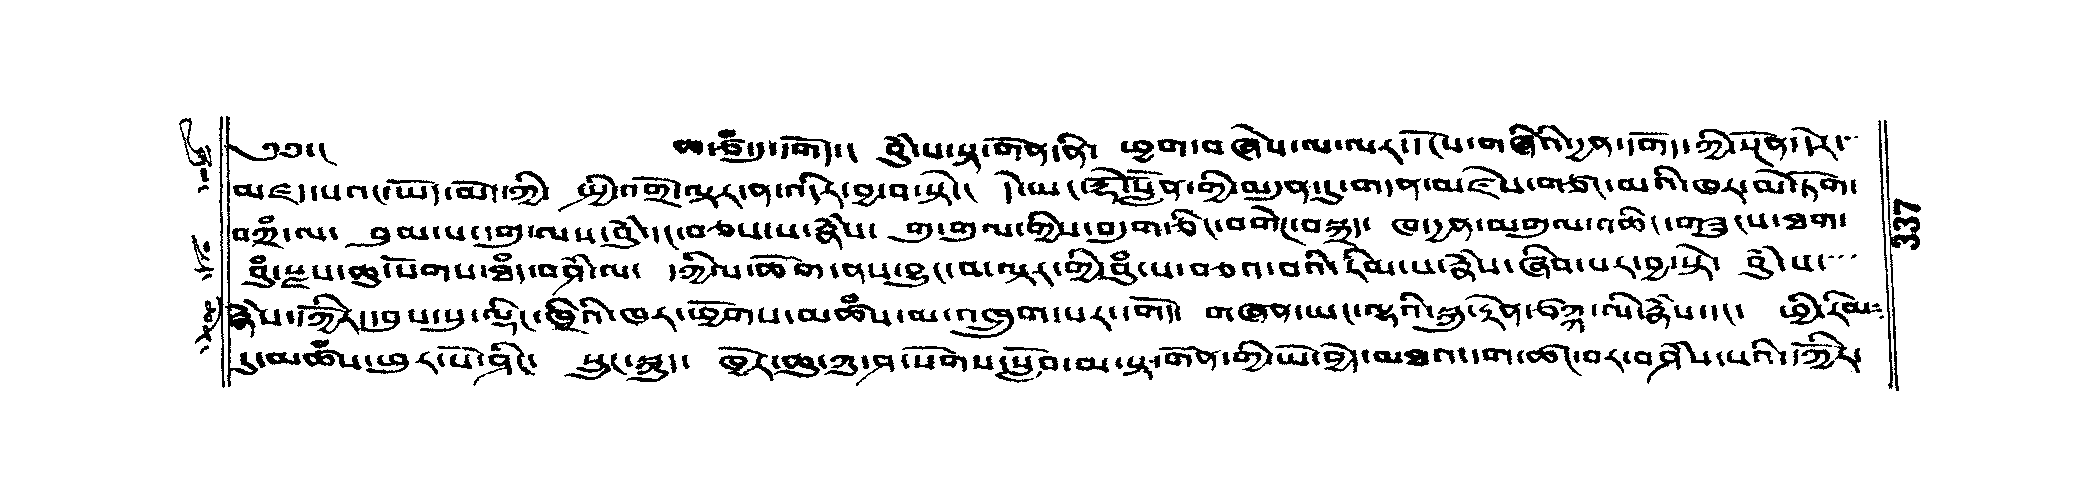ཆ་ཙམ་དུ་དགོད། བུམ་པ་སྟ་གོན་ནི། ཕྱག་བཞེས་ལ་ལར་དངོས་གཞིའི་རྒྱན་དགོད་ཀྱི་སྔོན་དེར་
མཛད་པའང་ཡོད་མོད་ཀྱི། སྤྱི་འགྲོ་ལྟར་ན་འདིར་བྱ་བ་སྟེ། དེ་ཡང་རྡོ་རྗེ་སློབ་དཔོན་གྱི་མདུན་དུ་གདན་མཛེས་གཙང་མའི་ཁར་མེ་ཏོག་
བཀྲམ་ལ། བུམ་པ་དགུ་ལས་བུམ་དང་བཅས་པ་རྣམས་གུ་གུལ་གྱིས་བདུག་ཅིང་བགེགས་བསྐྲད། ཁ་རྒྱན་མགུལ་འཆིང་གཟུངས་ཐག་
བུམ་རྫས་ཆུ་སོགས་ཐམས་ཅད་བཤམས་ལ།དཀྱིལ་ཆོག་ནས་འབྱུང་བ་ལྟར་གྱི་བུམ་པ་བཅའ་བའི་རིམ་པ་རྣམས་ཞིབ་པར་བྱ་སྟེ། བུམ་པ་
རྣམས་དཀྱིལ་འཁོར་དབུས་སུ་ལྡིང་ཁྲིའི་ཁར་ཕྱོགས་མཚམས་མ་འཁྲུག་པར་དགོད། གཞན་ཡང་ལྷའི་སྐུ་རྟེན་ཙཀྐ་ལི་རྣམས་དང་། ཕྱི་རིམ་
དུ་མཚམས་ཕུར་སོ་ཤིང་། སྲུང་སྐུད། ཁྱོར་ཆུ་ཀུ་ཤ་སོགས་སློབ་མ་སྟ་གོན་གྱི་ཡོ་བྱད་མཐའ་དག་ཚང་བར་བཤམས་པའི་དཀྱིལ་འཁོར་